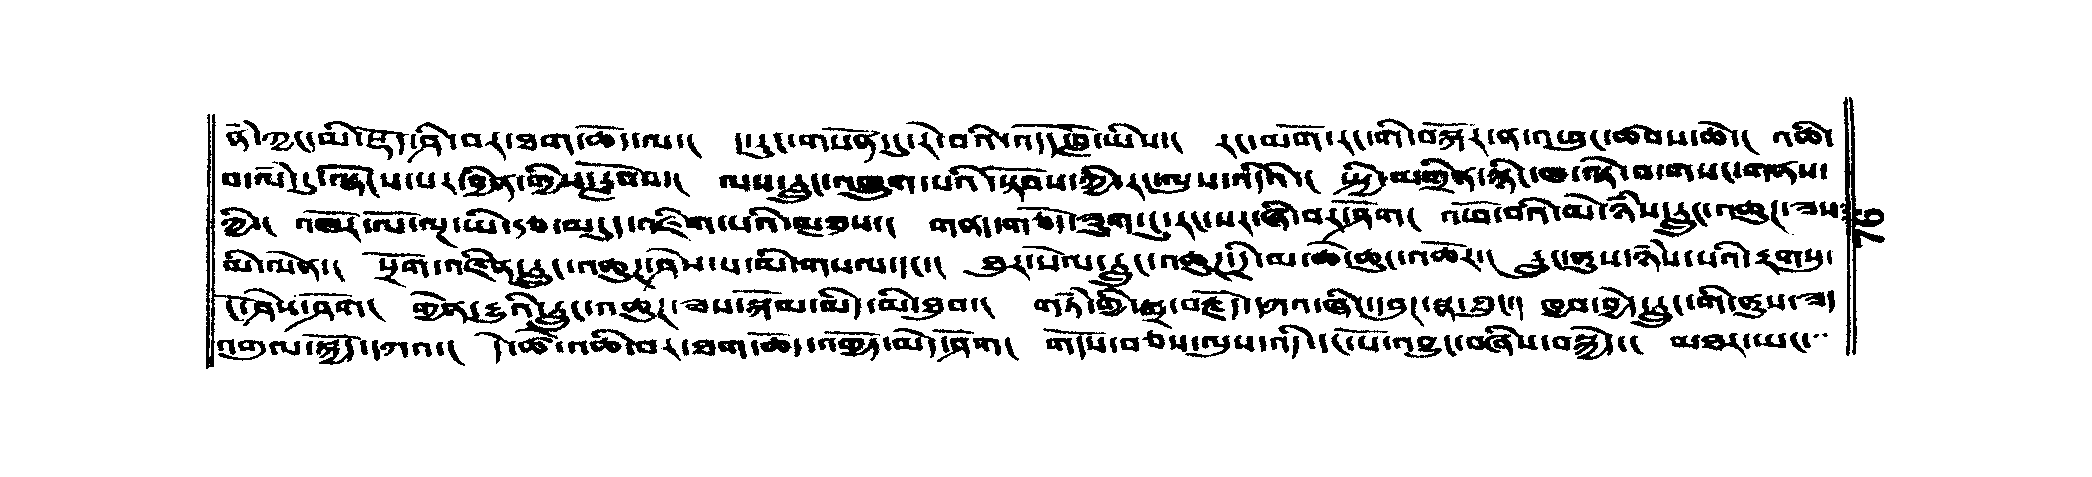།ནམ་ཀྱང་མི་སྡོད་ཤི་བར་ཐག་ཆོད་ལ། །ད་རུང་གསོན་དུ་རེ་བའི་འདོད་བློ་ཡིས། །རང་མགོ་རང་གི་བསྐོར་ན་འཕུང་ཚབས་ཆེ། །འཆི་
བ་ལམ་དུ་ལྷོངས་པར་བྱིན་གྱིས་རློབས། །ལས་རླུང་འཁྲུག་པའི་སྟོབས་ཀྱི་རང་ལུས་འདིའི། །སྤྱི་མགྲིན་སྙིང་ཁ་ལྟེ་བ་གསང་གནས་
ཀྱི། །འཁོར་ལོ་ལྔ་ཡི་རྩ་མདུད་འཇིག་པའི་མཐུས། །གནད་གཅོད་ཟུག་ངུ་རང་སར་ཞི་བར་ཤོག །འཕོ་བའི་མེ་ཉམས་རླུང་འཆུགས་ཟས་
མི་ལེན། །སྲོག་འཛིན་རླུང་འཆུགས་ཤེས་པ་མི་གསལ་དང་། །ཐུར་སེལ་རླུང་འཆུགས་དྲི་མ་ཆེ་ཆུང་འཆོར། །རླུང་ནུས་ཉམས་པའི་རྟགས་སུ་
ངོ་ཤེས་ཤོག །གྱེན་རྒྱུའི་རླུང་འཆུགས་ཟས་སྐོམ་མིད་མི་ཐུབ། །གཏམ་གྱི་སྨྲ་བརྗོད་དཀའ་ཞིང་དབུགས་སྣ་ཐུང་། །ཁྱབ་བྱེད་རླུང་གི་ནུས་ཟད་
འགུལ་སྐྱོད་དཀའ། །དེ་ཚེ་འཆི་བར་ཐག་ཆོད་འགྱོད་མེད་ཤོག །གདོས་བཅས་ལུས་འདི་དང་པོ་འབྱུང་བཞིས་བསྐྱེད། །མཐར་ཡང་